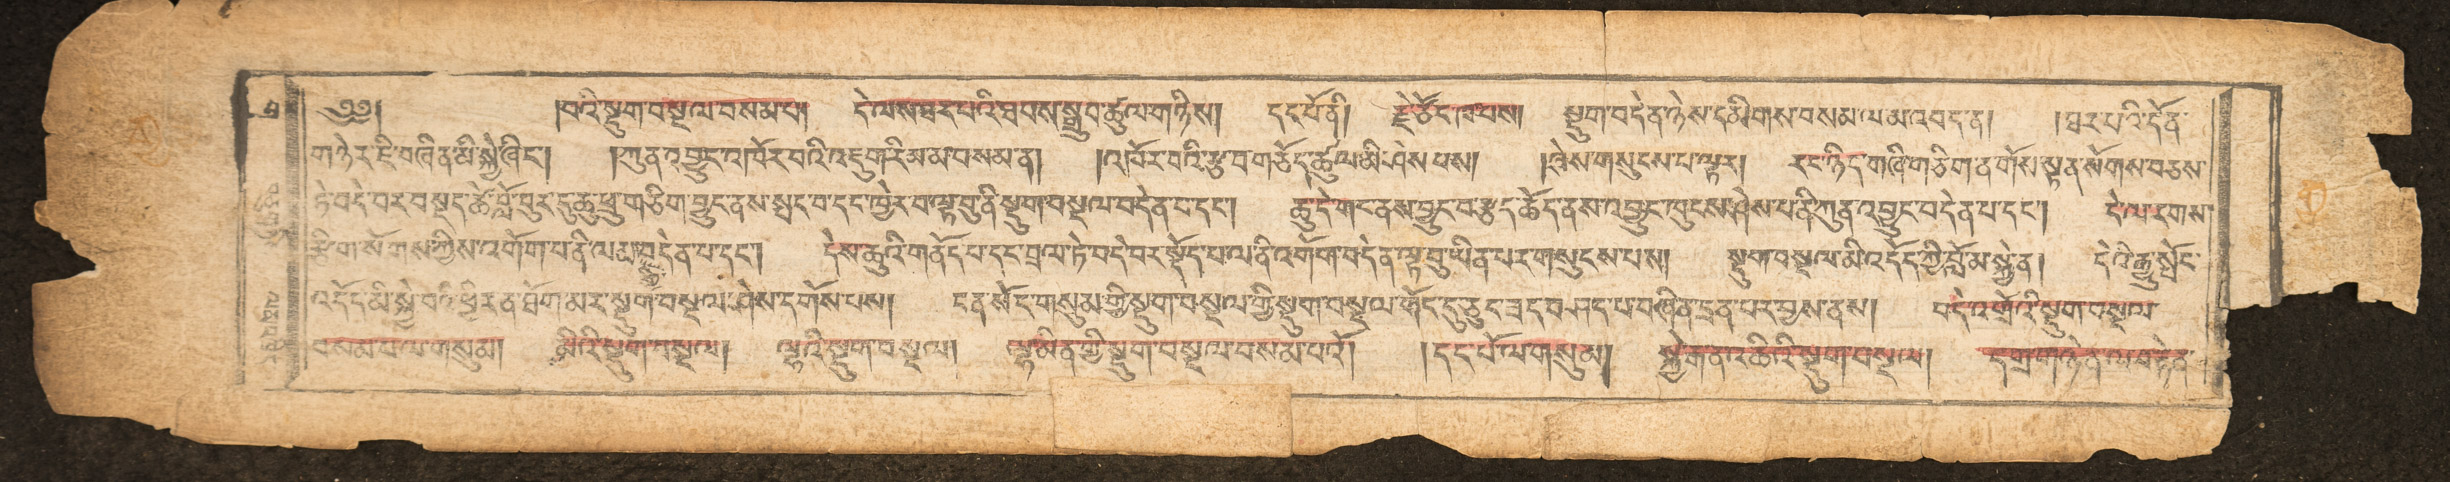༄༅། །བའི་སྡུག་བསྔལ་བསམ་པ། དེ་ལས་ཐར་པའི?་ཐབས་སྒྲུབ་ཚུལ་གཉིས། དང་པོ་ནི། རྗེ་ཙོང་ཁ་པས། སྡུག་བདེན་ཉེས་དམིགས་བསམ་ལམ?་འབད་ན། །ཐར་པའི་དོན་
གཉེར་ཇི་བཞིན་མི་སྐྱེ་ཞིང་། །།ཀུན་འབྱུང་འཁོར་བའི་འཇུག་རིམ་?་བསམ་ན། །འཁོར?་བའི་རྩ་བ་གཅོད་ཚུལ་མི་ཤེས་པས། །?  ?་བ་ལྟར། རང་ཉིད་??་གཅིག་ན་གོས་སྟན་སོགས་བཅས་
ཏེ་བདེ་པར་བསད་ཚེ་བློ་བུར་དུ་ཆུ་?་གཅིག་བྱུང་ནས་སྤང་བ་དང་ཁྱེར་བ་ལྟ་བུ་ནི་སྡུག་བསྔལ་བདེན་པ་དང་། ཆུ་དེ་གང་ནས་བྱུང་??་ཆོད་ནས་འབྱུང་ཁུངས་ཤེས་པ་ནི་ཀུན་འབྱུང་བདེན་པ་དང་། དེ་ལ་རགས?
རྩིག་སོགས་གྱིས་འདོག?་??་དང་། དེས་ཆུའི་གནོད་པ་དང་བྲལ་ཏེ་བདེ་བར་སྡོད་པ་ལ་ནི་?་གོག་བདེན་ལྟ་བུ་ཡིན་པར་གསུངས་པས། སྡུག་བསྔལ་མི་འདོད་ཀྱི་བློ་མ་སྐྱེ་ན། དེའི་རྒྱུ་སྤོང་
འདོད་མི་སྐྱེ་བའི་ཕྱི??་མར་སྡུག་བསྔལ་ཤེས་དགོས་པས། ངན་སོང་གསུམ་གྱི་སྡུག་བསྔལ་གྱི་སྡུག་བསྔལ་གོང་དུ་ཅུང་ཟད་བཤད་པ་བཞིན་དྲན་པ་ལ་བྱས་ནས། བདེ་འགྲོའི་སྡུག་བསྔལ་
??་གསུམ། མིའི་སྡུག་བསྔལ། ལྷའི་སྡུག་བསྔལ། ལྷ་མིན་གྱི་སྡུག་བསྔལ་བསམ་པའོ། །།དང་པོ་ལག་??། སྤྱི?་གནང་ཚིའི?་སྡུག་བསྔལ། དགྲ་གཉེན་ལ་བསྟེན་